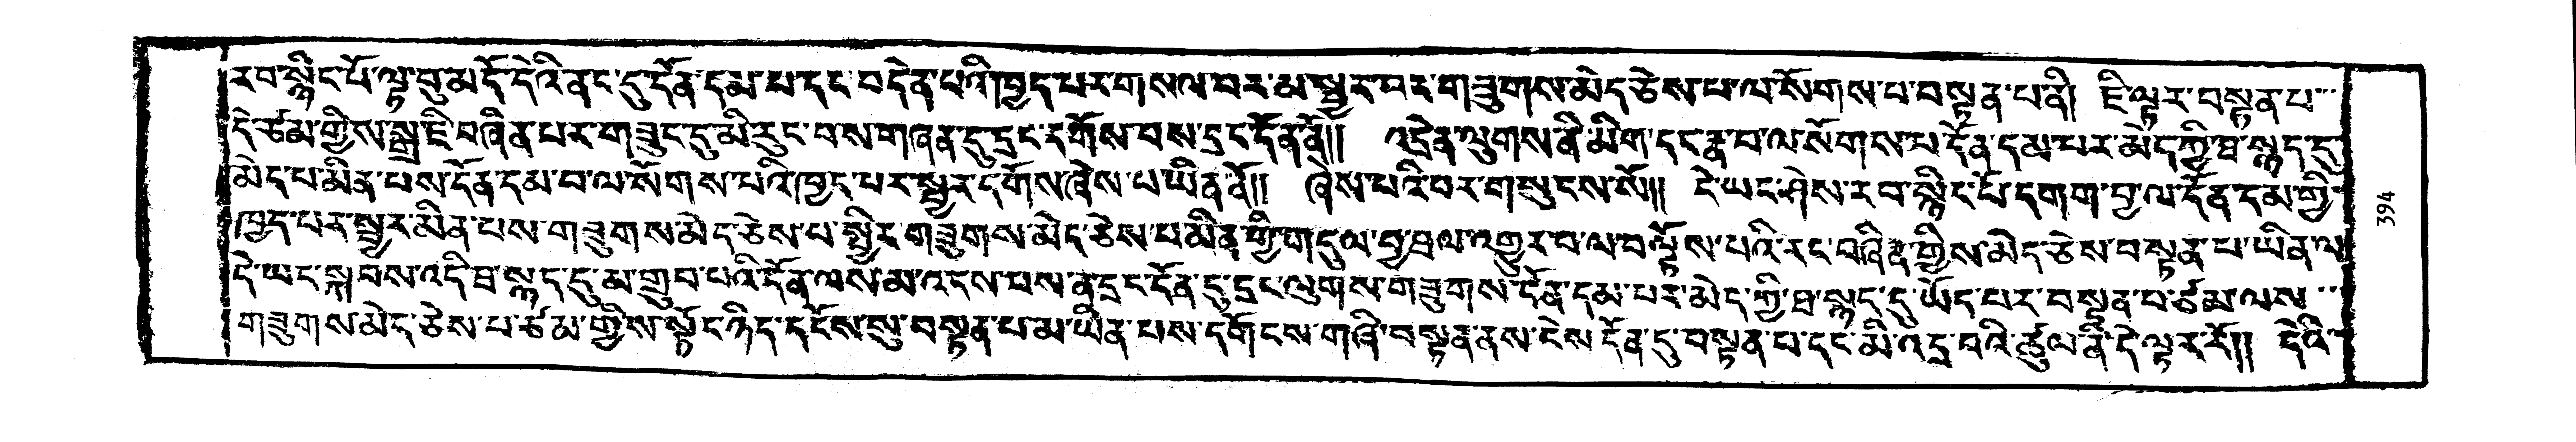རབ་སྙིང་པོ་ལྟ་བུ་མདོ་དེའི་ནང་དུ་དོན་དམ་པ་དང་བདེན་པའི་ཁྱད་པར་གསལ་བར་མ་སྦྱར་བར་གཟུགས་མེད་ཅེས་པ་ལ་སོགས་པ་བསྟན་པ་ནི། ཇི་ལྟར་བསྟན་པ་
དེ་ཙམ་གྱིས་སྒྲ་ཇི་བཞིན་པར་གཟུང་དུ་མི་རུང་བས་གཞན་དུ་དྲང་དགོས་པས་དྲང་དོན་ནོ།། འདྲེན་ལུགས་ནི་མིག་དང་རྣ་བ་ལ་སོགས་པ་དོན་དམ་པར་མེད་ཀྱི་ཐ་སྙད་དུ་
མེད་པ་མིན་པས་དོན་དམ་པ་ལ་སོགས་པའི་ཁྱད་པར་སྦྱར་དགོས་ཞེས་པ་ཡིན་ནོ།། ཞེས་པའི་བར་གསུངས་སོ།། དེ་ཡང་ཤེས་རབ་སྙིང་པོ་དགག་བྱ་ལ་དོན་དམ་གྱི་
ཁྱད་པར་སྦྱར་མིན་པས་གཟུགས་མེད་ཅེས་པ་སྤྱིར་གཟུགས་མེད་ཅེས་པ་མིན་གྱི་གདུལ་བྱ་ཐལ་འགྱུར་བ་ལ་བལྟོས་པའི་རང་བཞིན་གྱིས་མེད་ཅེས་བསྟན་པ་ཡིན་ལ་
དེ་ཡང་སྐབས་འདི་ཐ་སྙད་དུ་མ་གྲུབ་པའི་དོན་ལས་མ་འདས་པས་ན་དྲང་དོན་དུ་དྲང་ལུགས་གཟུགས་དོན་དམ་པར་མེད་ཀྱི་ཐ་སྙད་དུ་ཡོད་པར་བསྟན་པ་ཙམ་ལས་
གཟུགས་མེད་ཅེས་པ་ཙམ་གྱིས་སྟོང་ཉིད་དངོས་སུ་བསྟན་པ་མ་ཡིན་པས་དགོངས་གཞི་བསྟན་ནས་ངེས་དོན་དུ་བསྟན་པ་དང་མི་འདྲ་བའི་ཚུལ་ནི་དེ་ལྟར་རོ།། དེའི་